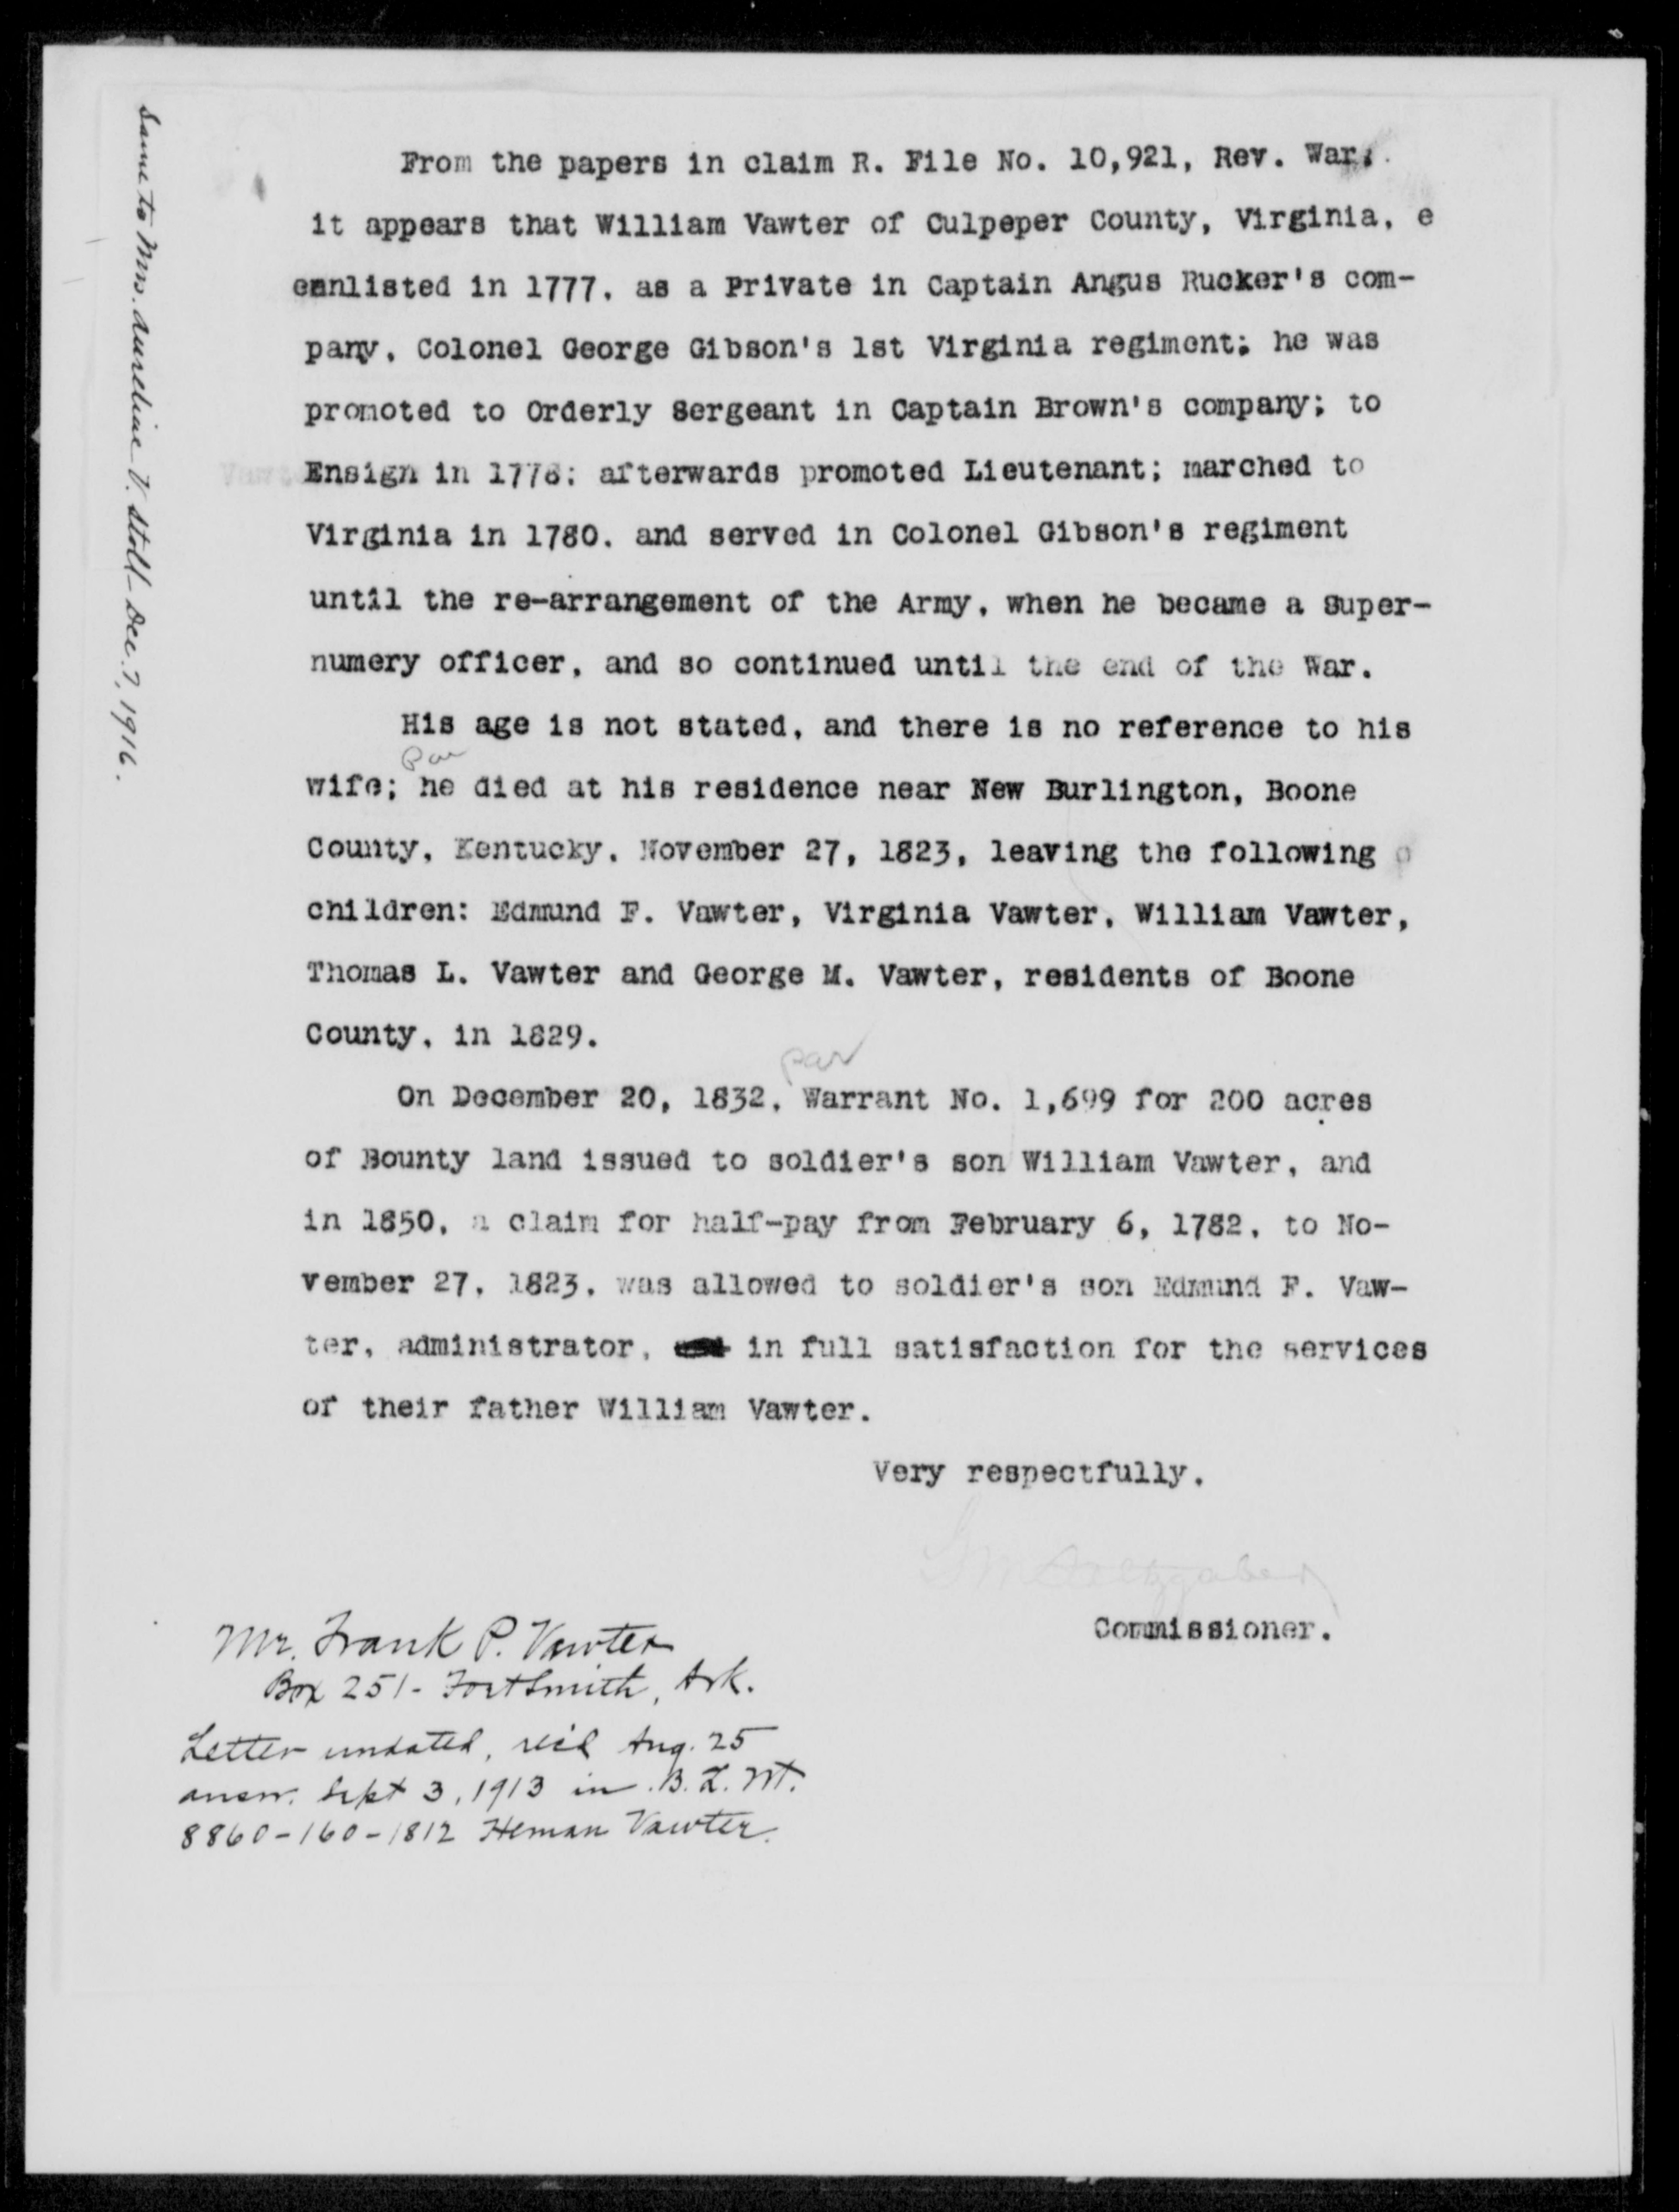Same to Mrs. Aureline V. Stoll  Dec. 7, 1916

From the papers in claim R. File No. 10, 921, Rev. War.
it appears that William Vawter of Culpeper County, Virginia,
enlisted in 1777, as a private in Captain Angus Rucker's company, 
Colonel George Gibson's 1st Virginia regiment; he was
promoted to Orderly Sergeant in Captain Brown's company; to
Ensign in 1776; afterwards promoted Lieutenant; marched to
Virginia in 1780, and served in Colonel Gibson's regiment
until the re-arrangement of the Army, when he became a supernumery
officer, and so continued until the end of the War.
His age is not stated, and there is no reference to his
wife; he died at his residence near New Burlington, Boone
County, Kentucky, November 27, 1823, leaving the following of
children: Edmund F. Vawter, Virginia Vawter, William Vawter,
Thomas L. Vawter and George M. Vawter, residents of Boone
County, in 1829.
On December 20, 1832, Warrant No. 1,699 for 200 acres
of Bounty land issued to soldier's son William Vawter, and
in 1850, a claim for half-pay from February 6, 1782, to November
27, 1823, was allowed to soldier's son Edmund F. Vawter, 
administrator, in full satisfaction for the services
of their father William Vawter,

Very respectfully,

G M Saltzgaber
Commissioner.

Mr. Frank P. Vawter
Box 251. Fort Smith, Ark.
Letter undated, rec'd Aug. 25 ┃
answer, Sept 3, 1913 in B.L.M.
8860-160- 1812 Heman Vawter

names: Frank P Vawter, Thomas L Vawter, William Vawter, Edmund F Vawter, William Vawter, George M Vawter, Edmund F Vawter, Heman Vawter, William Vawter, William Vawter, Virginia Vawter, Aureline V Stoll, G M Saltzgaber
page: 34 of 51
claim: rejected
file: R. 10,921, William Vawter, Va.